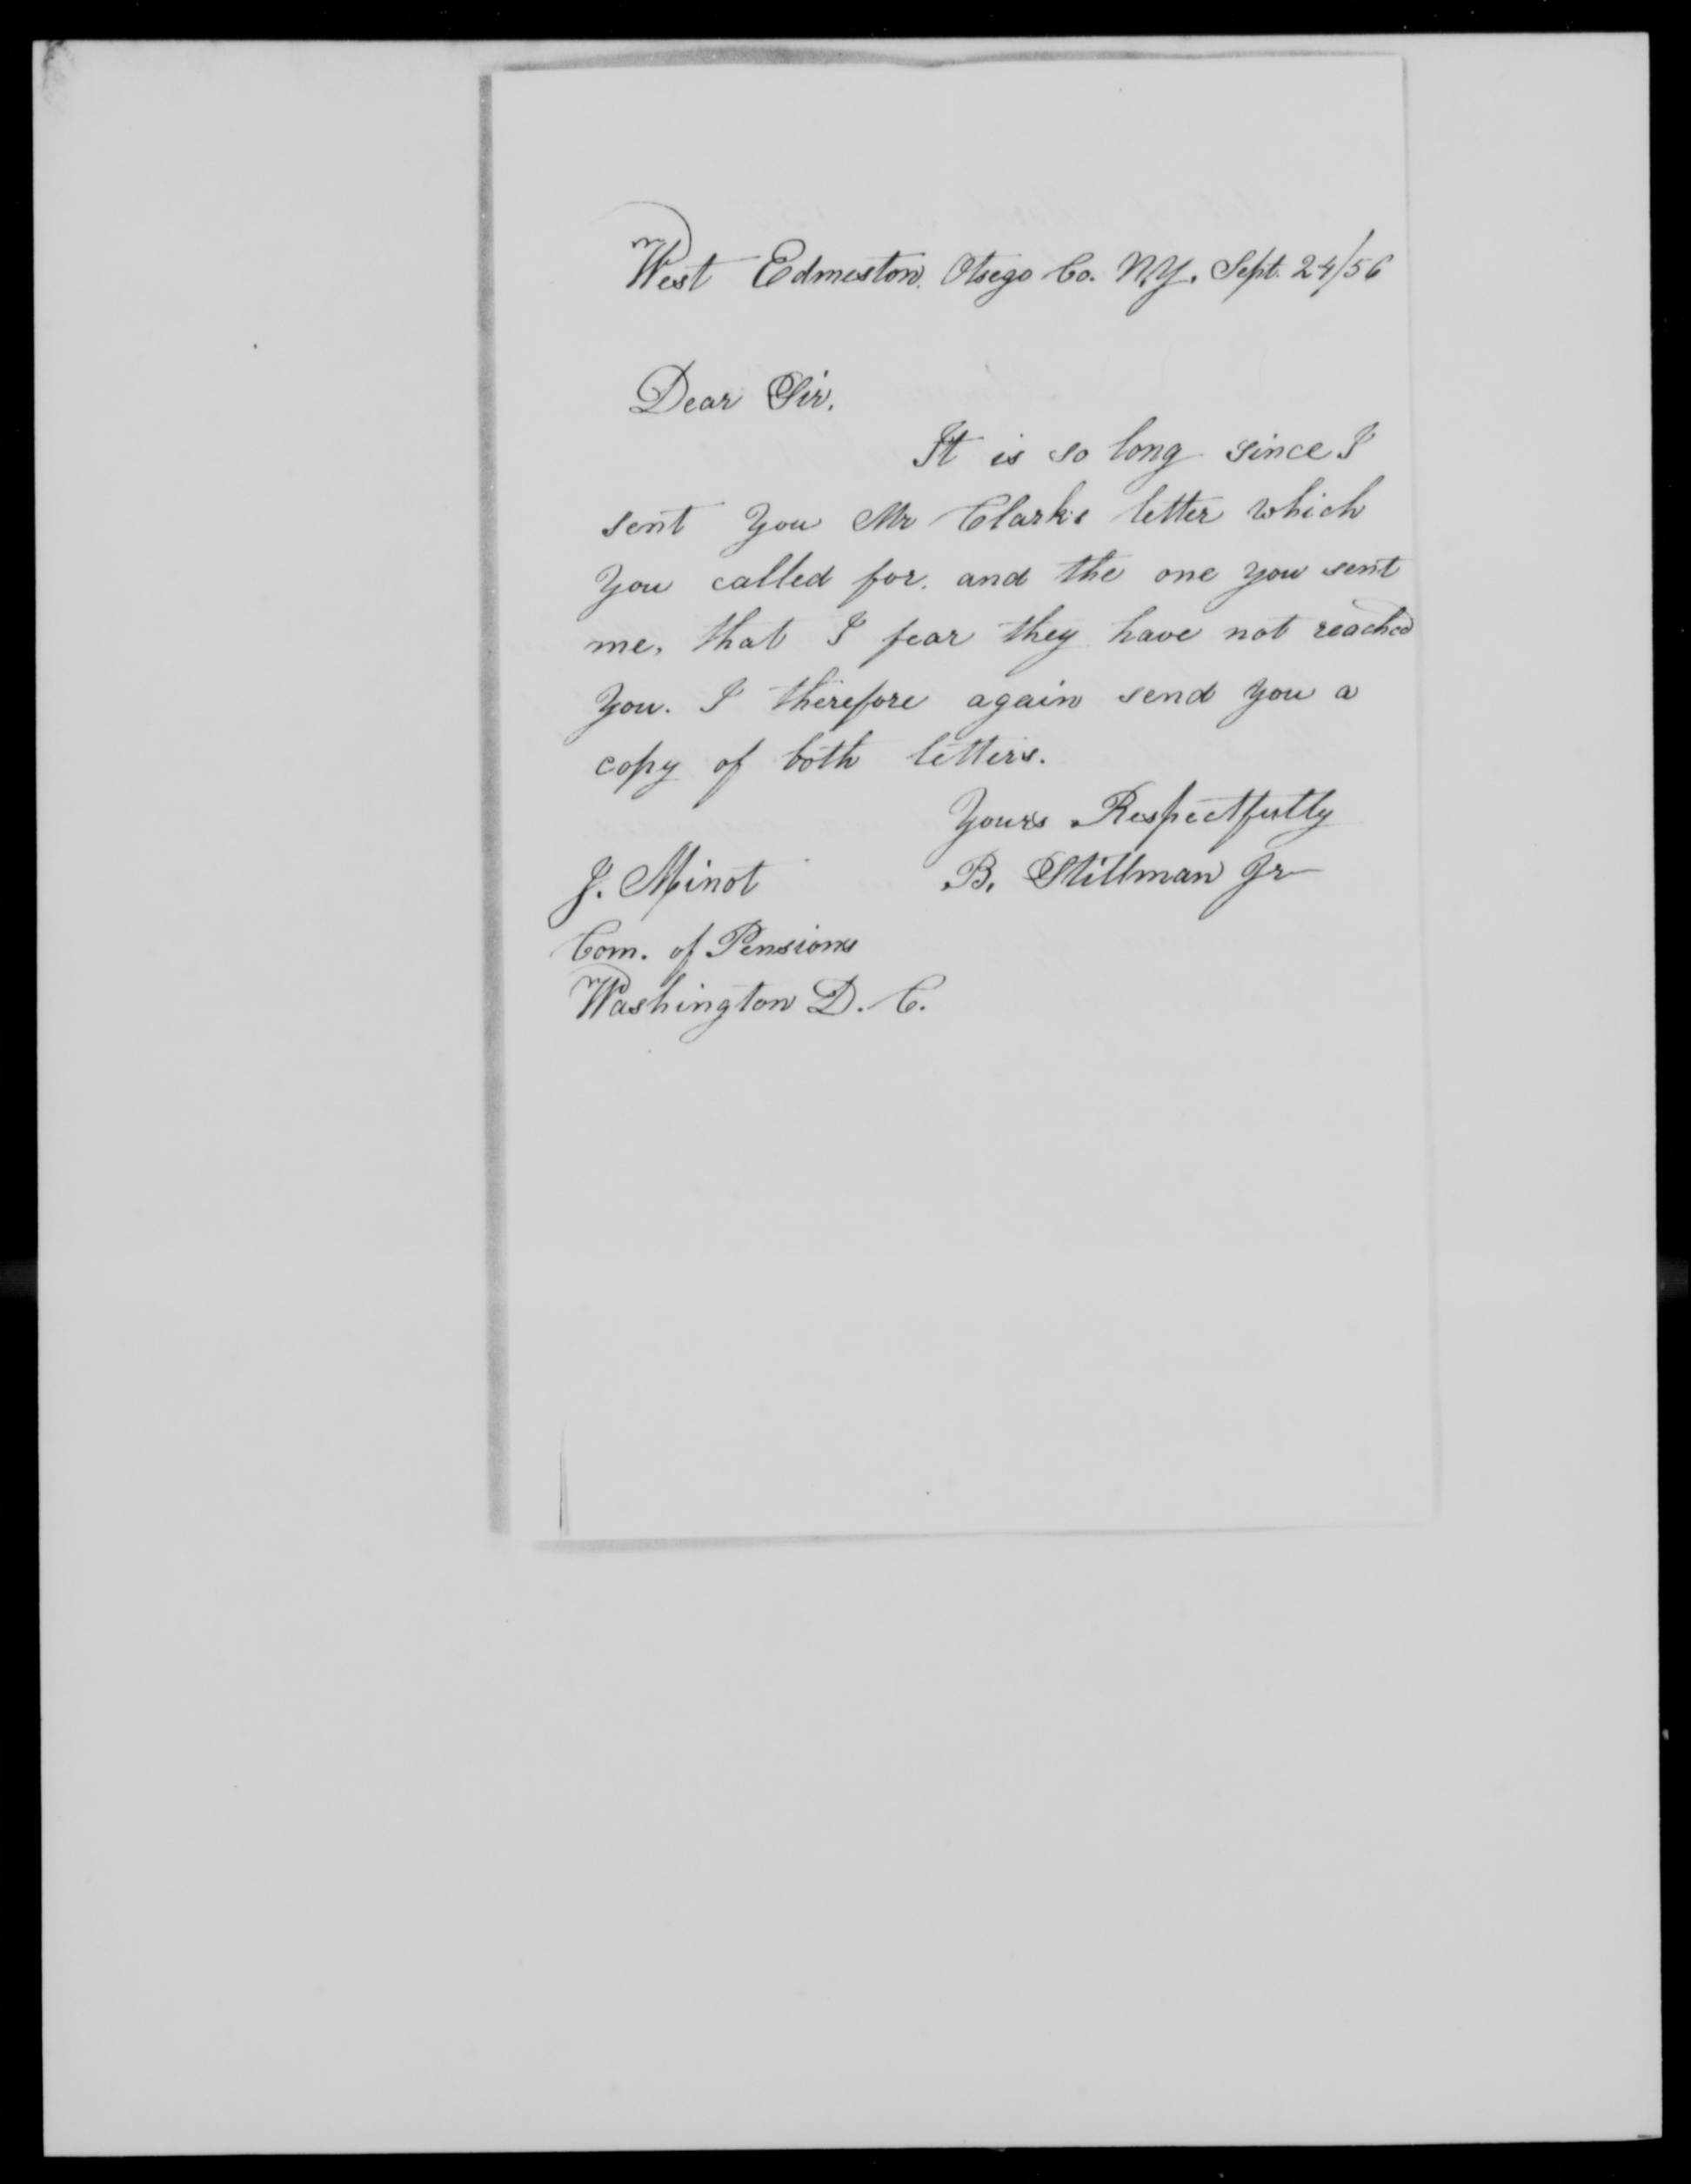West Edmeston Otsego Co. NY. Sept 24/56 
Dear Sir:
It is so long since I sent you Mr Clarks letter which you called for and the one you sent me, that I fear they have not reached you. I therefore again send you a copy of both letters.
Yours Respectfully
B. Stillman Jr
 
J. Minot 
Com. of Pensions 
Washington D.C.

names: J Minot; [BLANK] Clarke; B Stillman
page: 25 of 29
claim: bounty land warrant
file: B.L.Wt.47987-160-55, for Benjamin Stillman, Rhode Island